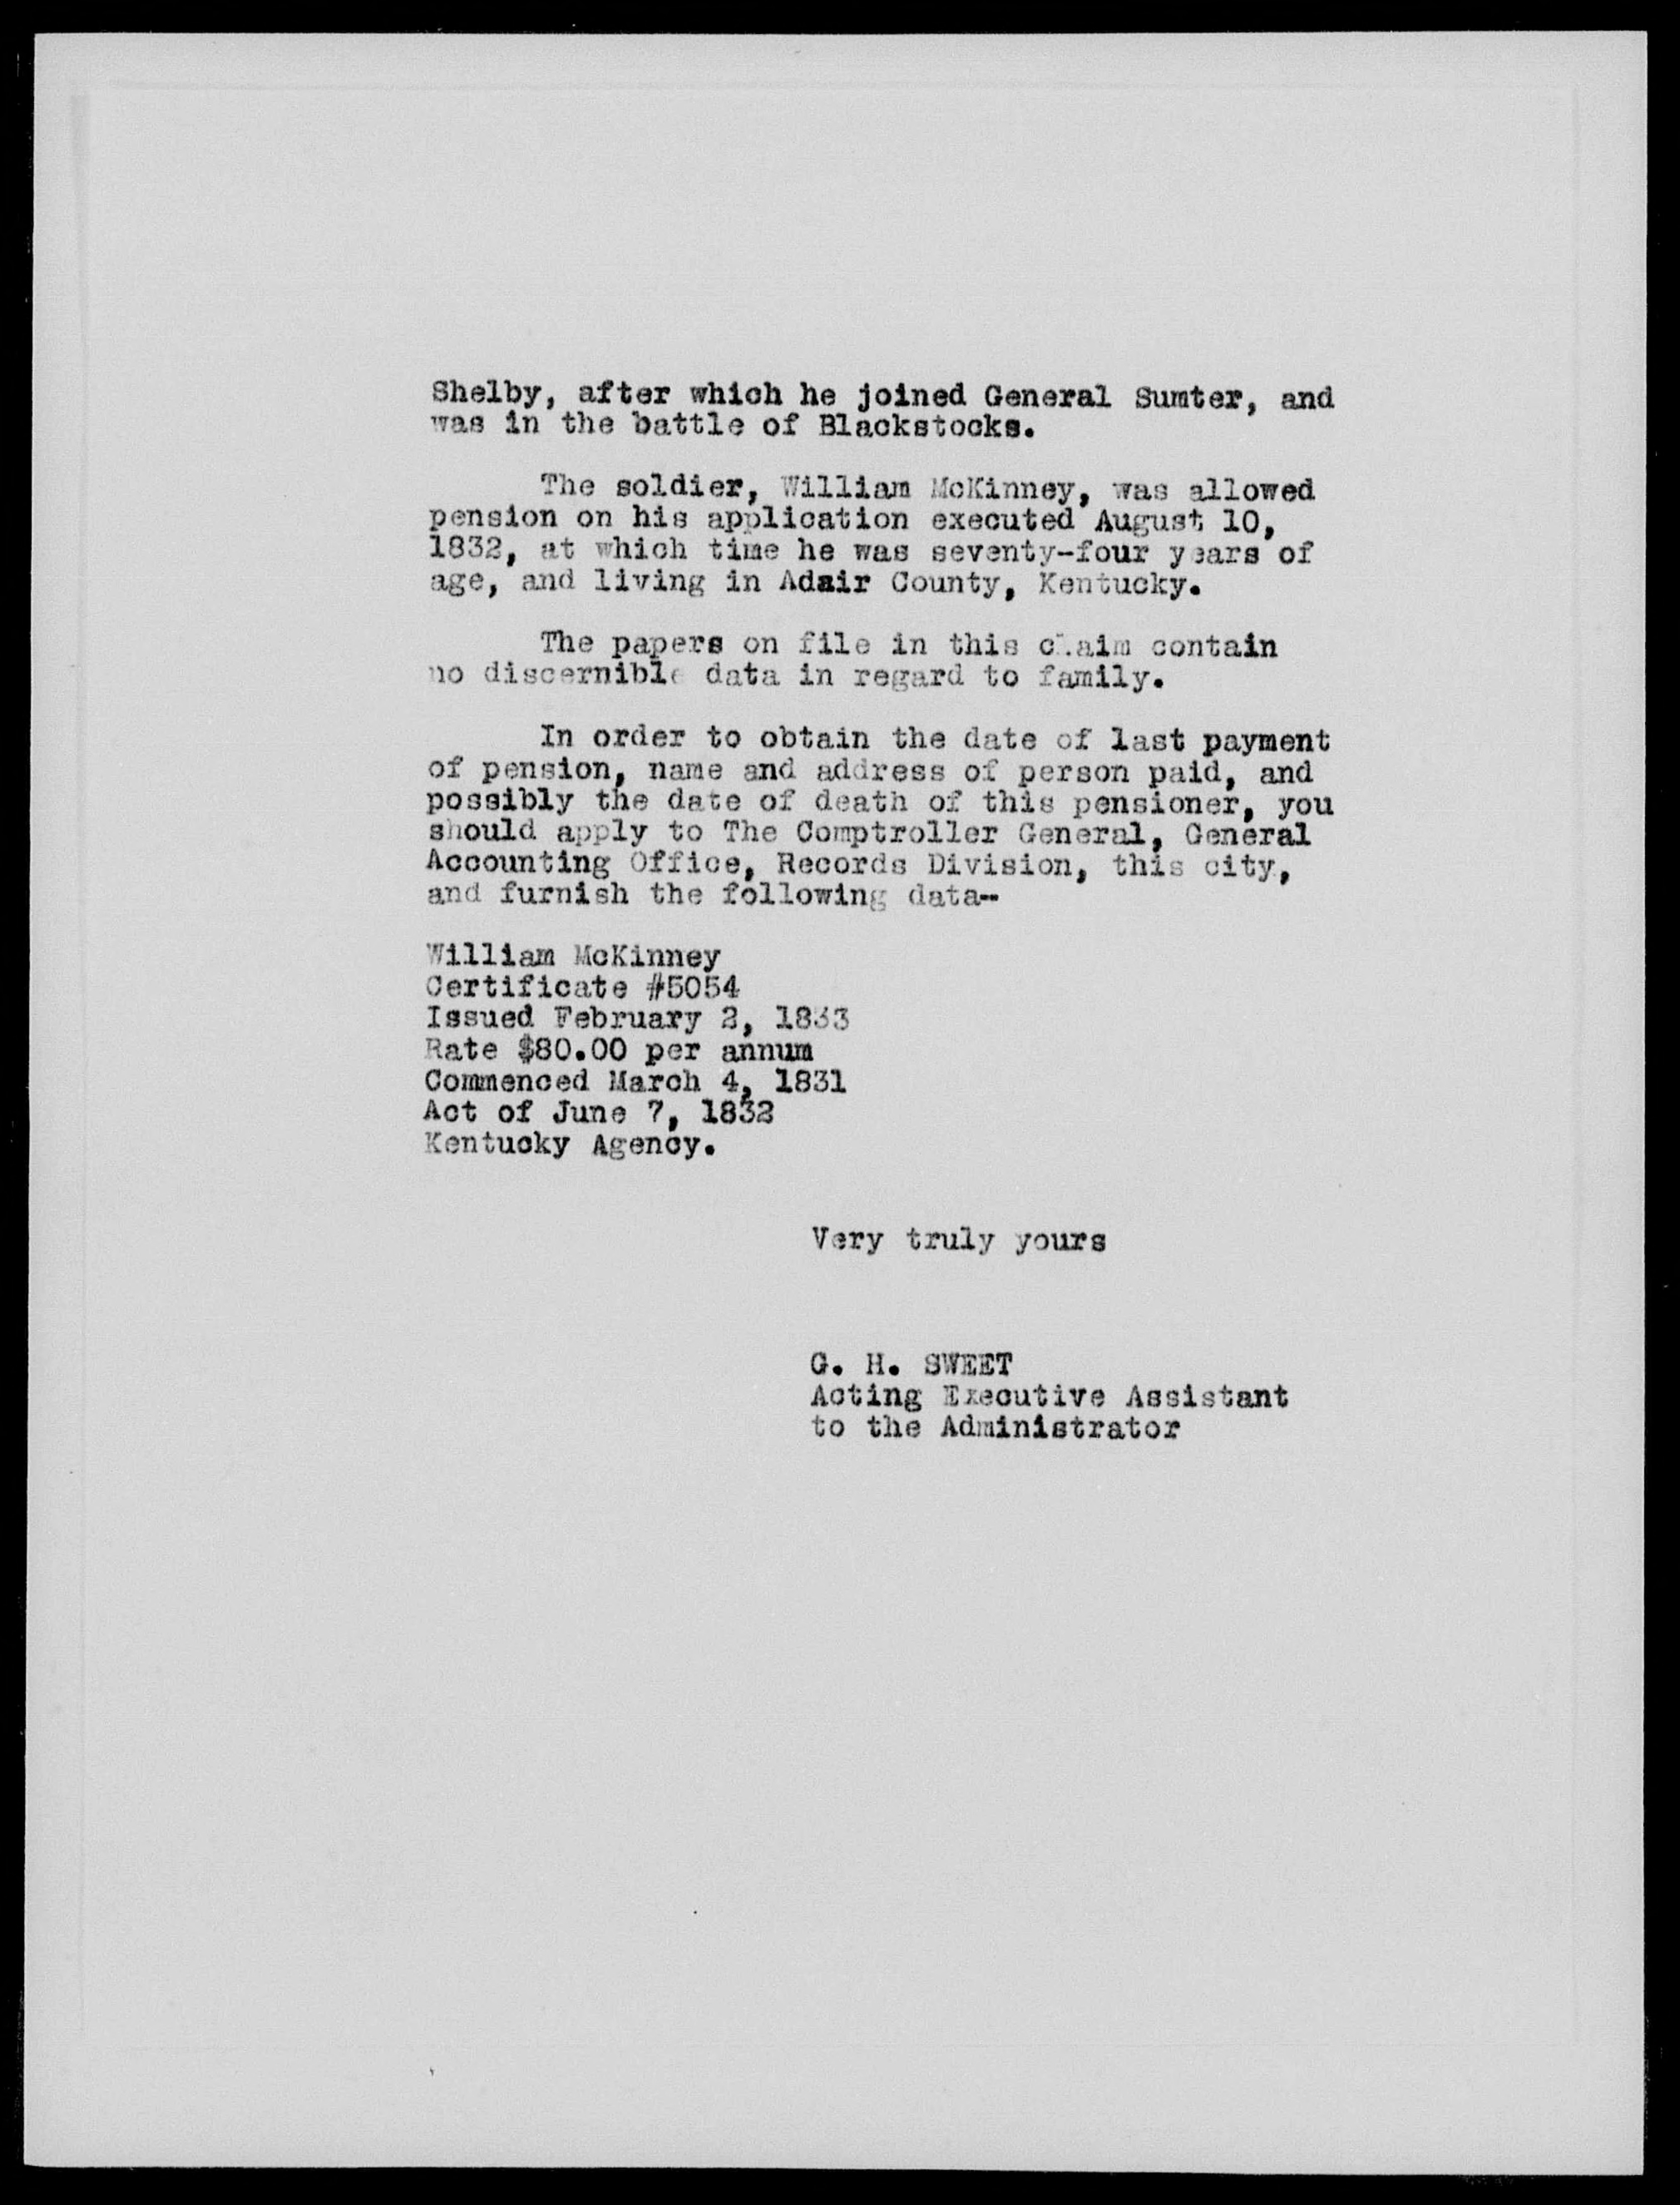Shelby, after which he joined General Sumter, and was in the battle of Blackstocks.
The soldier, William McKinney, was allowed pension on his application executed August 10, 1832, at which time he was seventy-four years of age, and living in Adair County, Kentucky.
The papers on file in this claim contain no discernible data in regard to family.
In order to obtain the date of last payment of pension, name and address of person paid, and possibly the date of death of this pensioner, you should apply to the Comptroller General, General Accounting Office, Records Division, this city, and furnish the following data-
William McKinney
Certificate #5054
Issued February 2, 1833
Rate $80.00 per annum
Commended March 4, 1833
Act of June 7, 1832
Kentucky Agency.

Very truly yours
G. H. SWEET
Acting Executive Assistant to the Administrator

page: 28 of 28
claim: survivor's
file: S. 16,470, for William Mc Kinney, Georgia